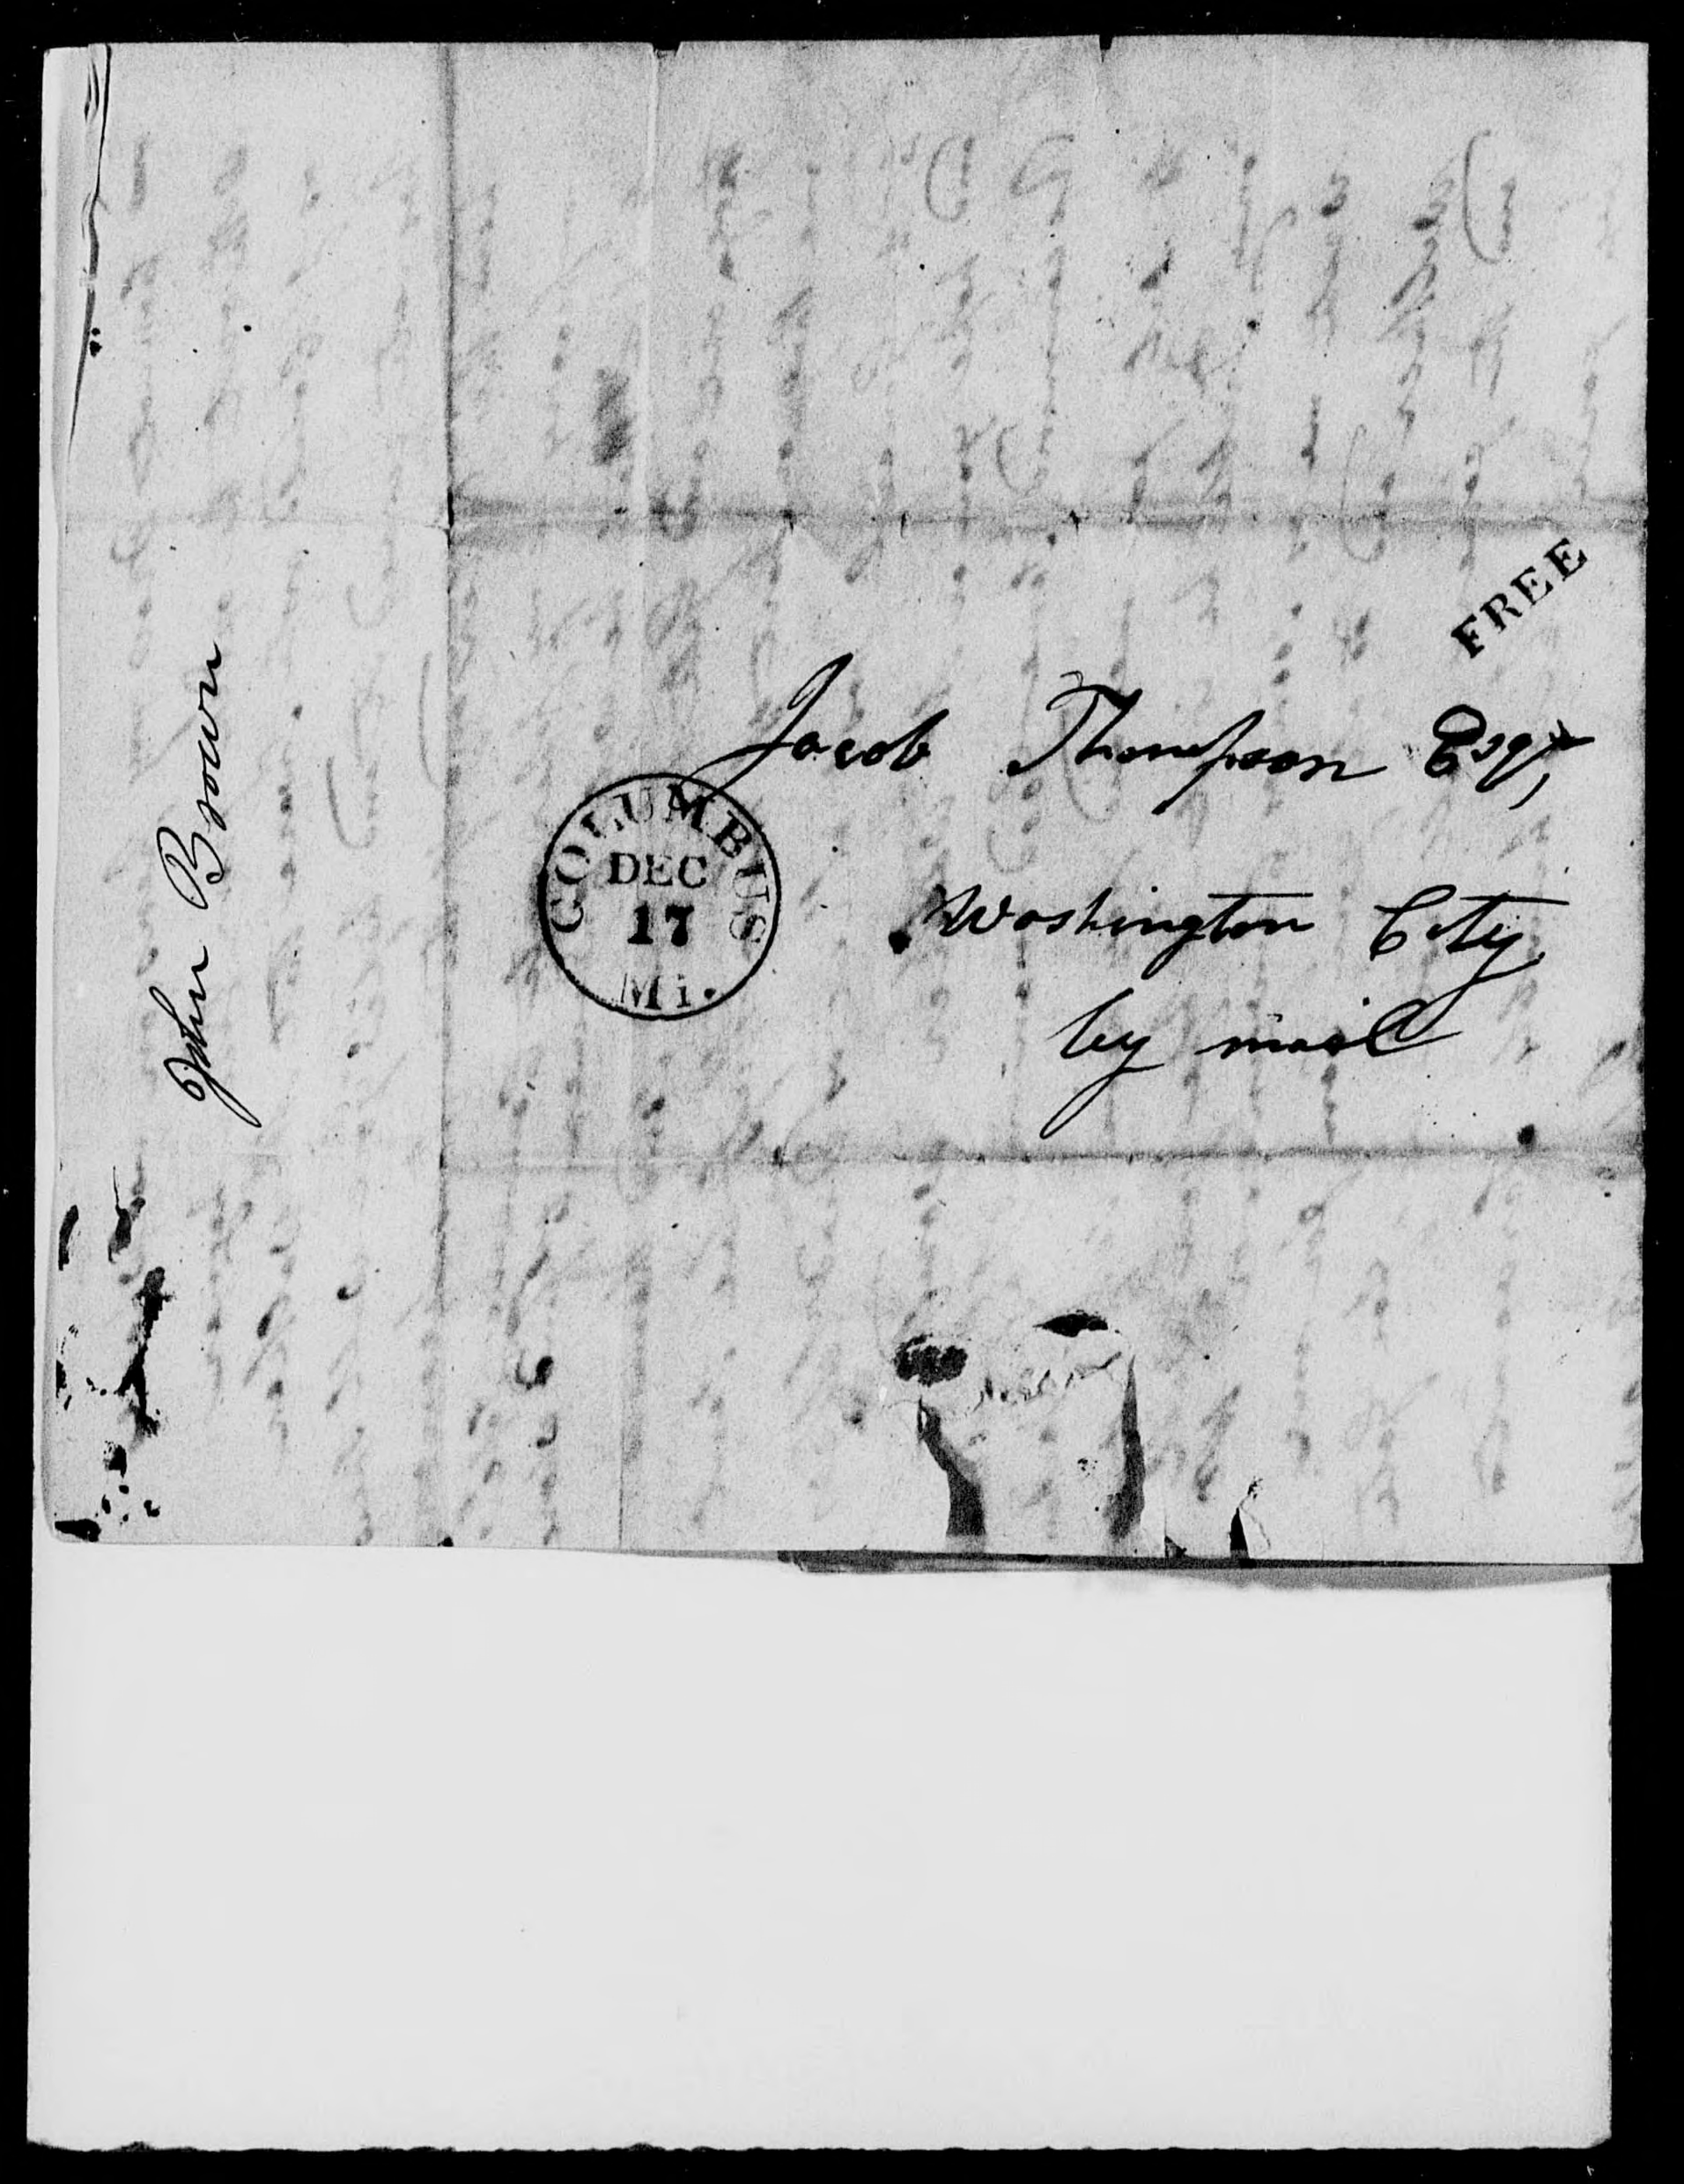Jacob Thompson Esq
Washington City 
by mail Free 
[stamp] Columbus MI - Dec 17

John Brown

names: Jacob Thompson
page: 60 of 85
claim: widow's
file: W. 5,906, John Brown, S.C.